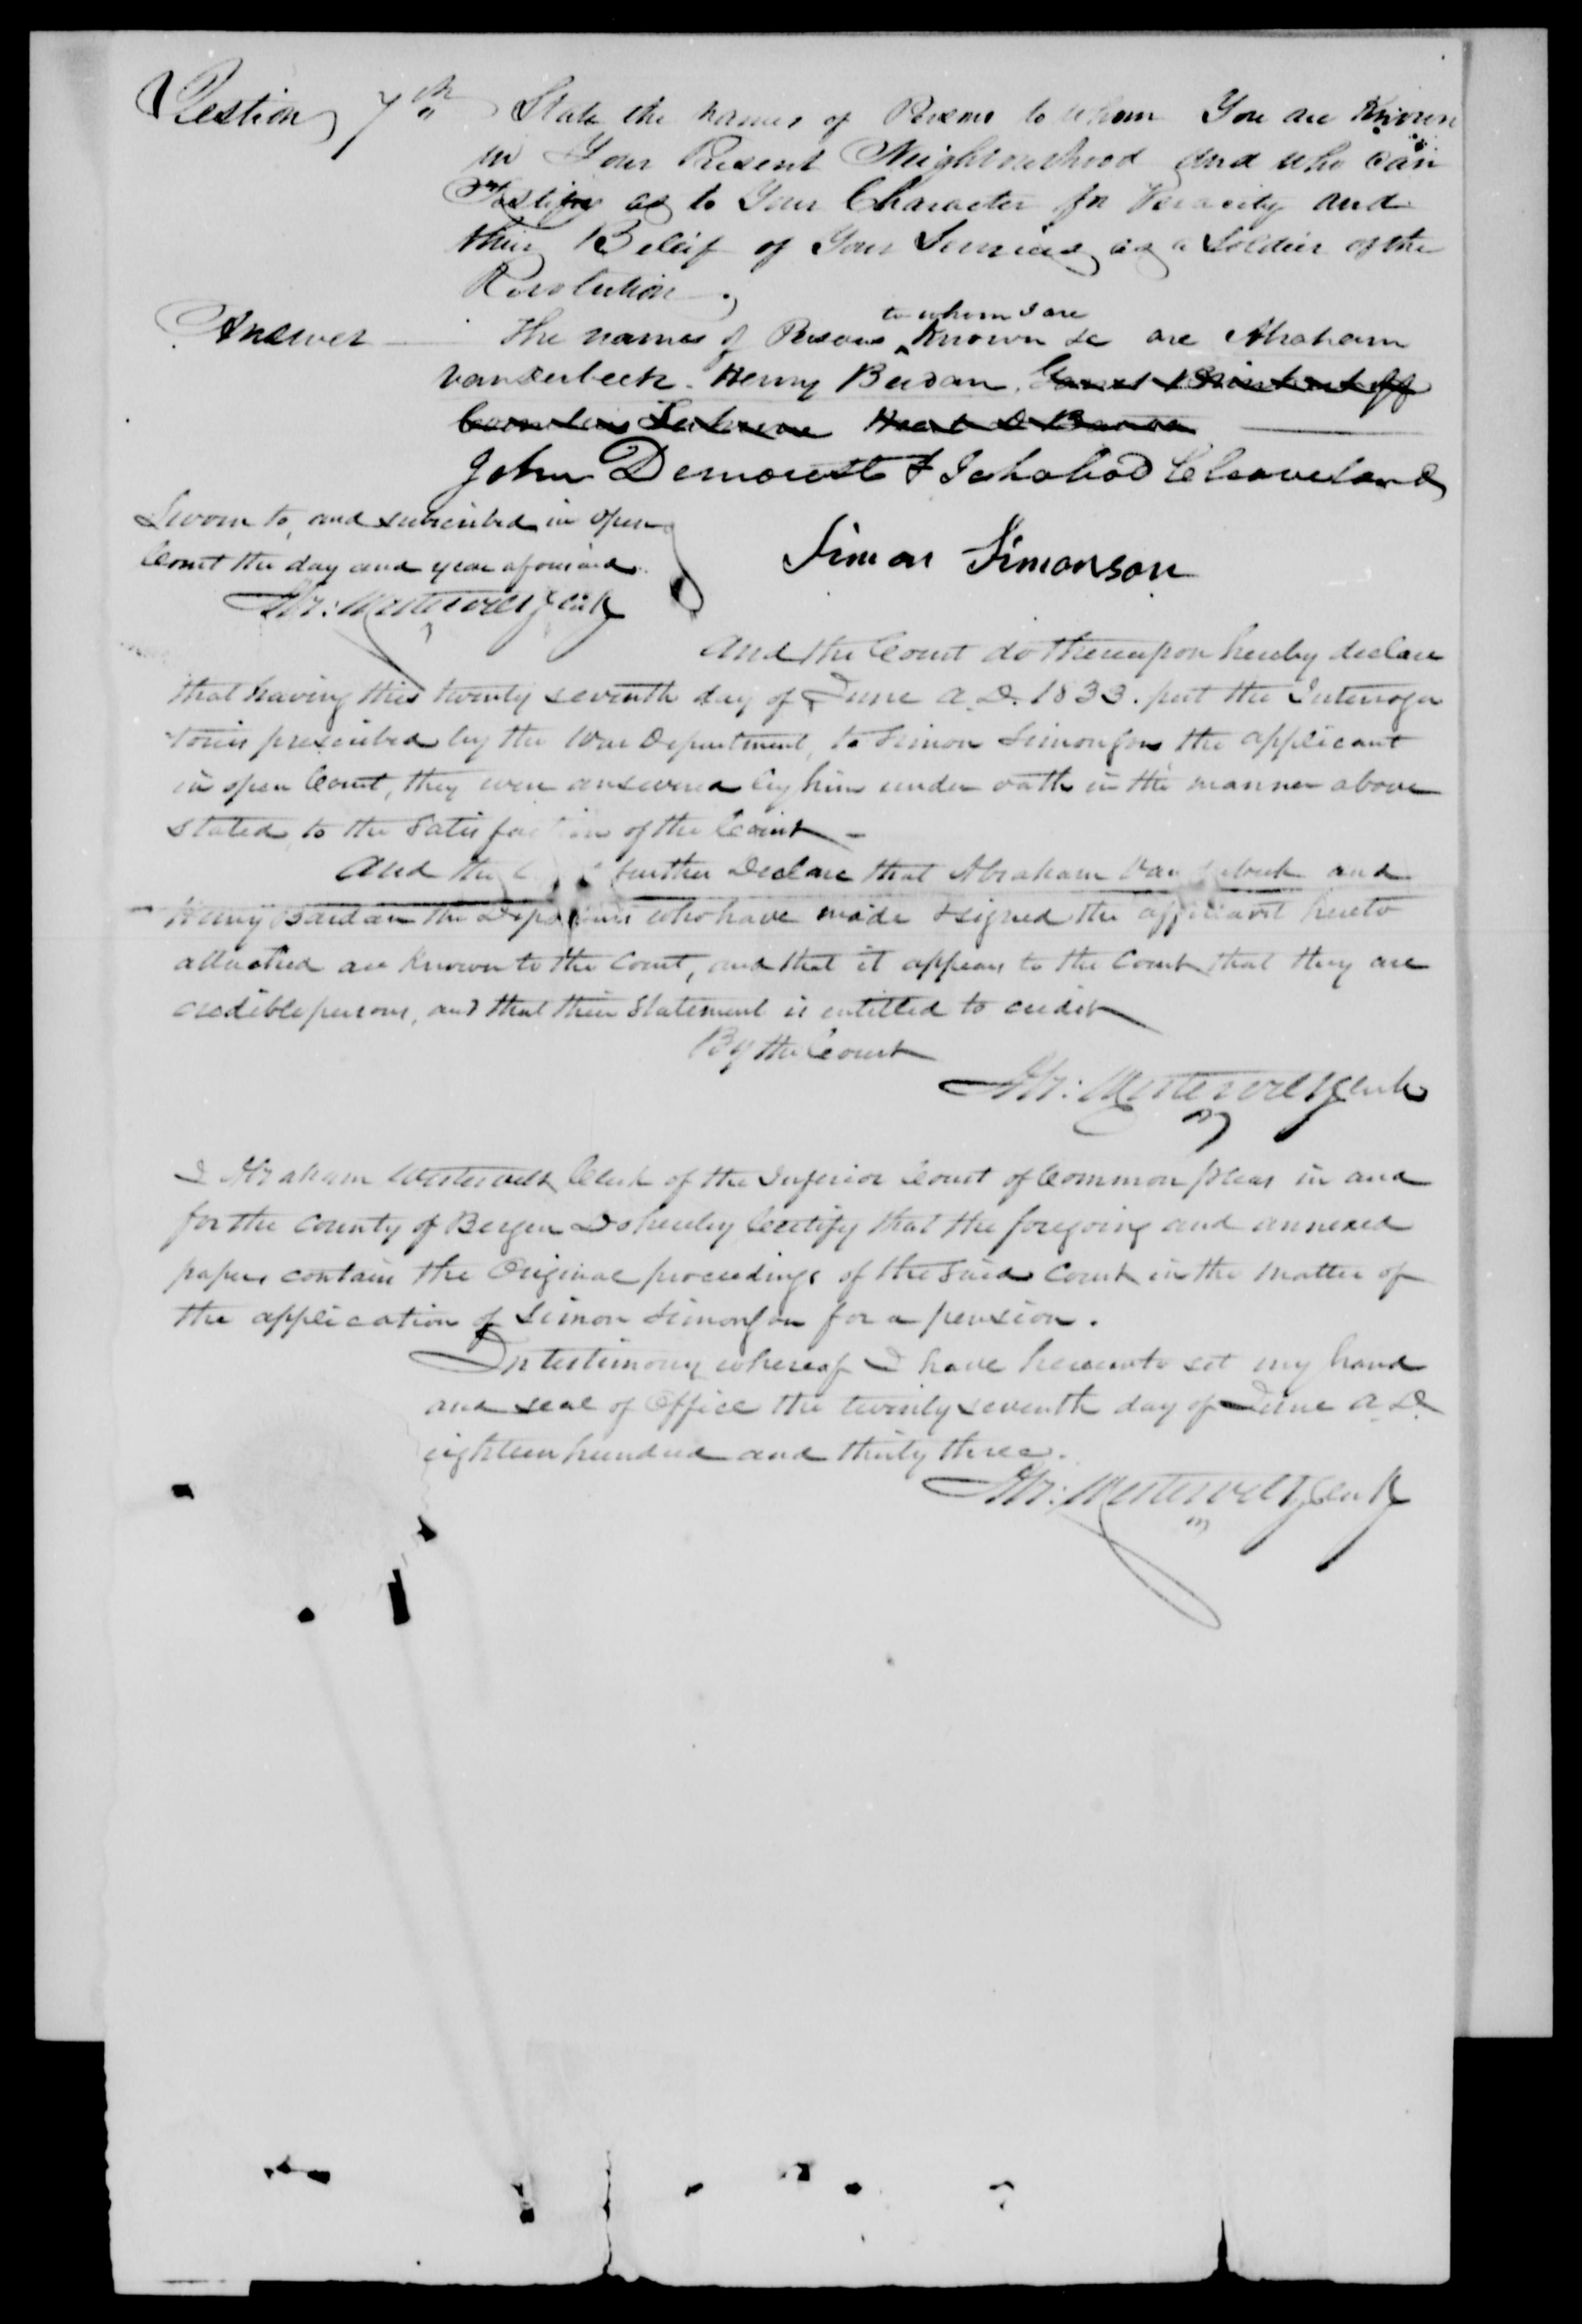Question 7th:  State the names of Persons to whom You are Known in Your Resent Neighbourhood and who can Testify as to Your Character for Veracity and their Belief of Your Services as a Soldier of the Revolution.
Answer - The names of Persons to whom I am known &c are Abraham Vanderbeck, Henry Bardan, [several names crossed out] John Demorest & Ichabod Cleaveland [signed] Simon Simonson
Sworn to and subscribed in Open Court the day and year aforesaid [signed] Abr. Westervill Clerk
And the Court do thereupon hereby declare that having this twenty seventh day of June A. D. 1833 put the Interrogatories prescribed by the War Department to Simon Simonson the applicant in open Court, they were answered by him under oath in the manner above stated to the satisfaction of the Court.
And the Court further Declare that Abraham Vanderbeck and Henry Bardan the persons who have made & signed the affidavit hereto attached are known to the Court, and that it appears to the Court that they are credible persons, and that their statement is entitled to credit.
By the Court [signed] Abr. Westervill Clerk
I Abraham Westervill Clerk of the Inferior Court of Common Pleas in and for the County of Bergen Do hereby Certify that the forgoing and annexed papers contain the original proceedings of the said Court in the matter of the application of Simon Simonson for a pension.
In testimony whereof I have hereunto set my hand and seal of office this twenty seventh day of June A. D. eighteen hundred and thirty three [signed] Abr. Westervill Clerk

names: Simon Simonson; Henry Bardan; Abraham Van Derbeck; Ichabod Cleaveland; Henry Berdan; Abr Westervill; Simon Simonson; Abr Westervill; Abraham Vanderbeck; Simon Simonson; Abr Westervill; John Demorest; Abraham Westervill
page: 6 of 30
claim: survivor's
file: S. 1104, for Simon Simonson, New Jersey